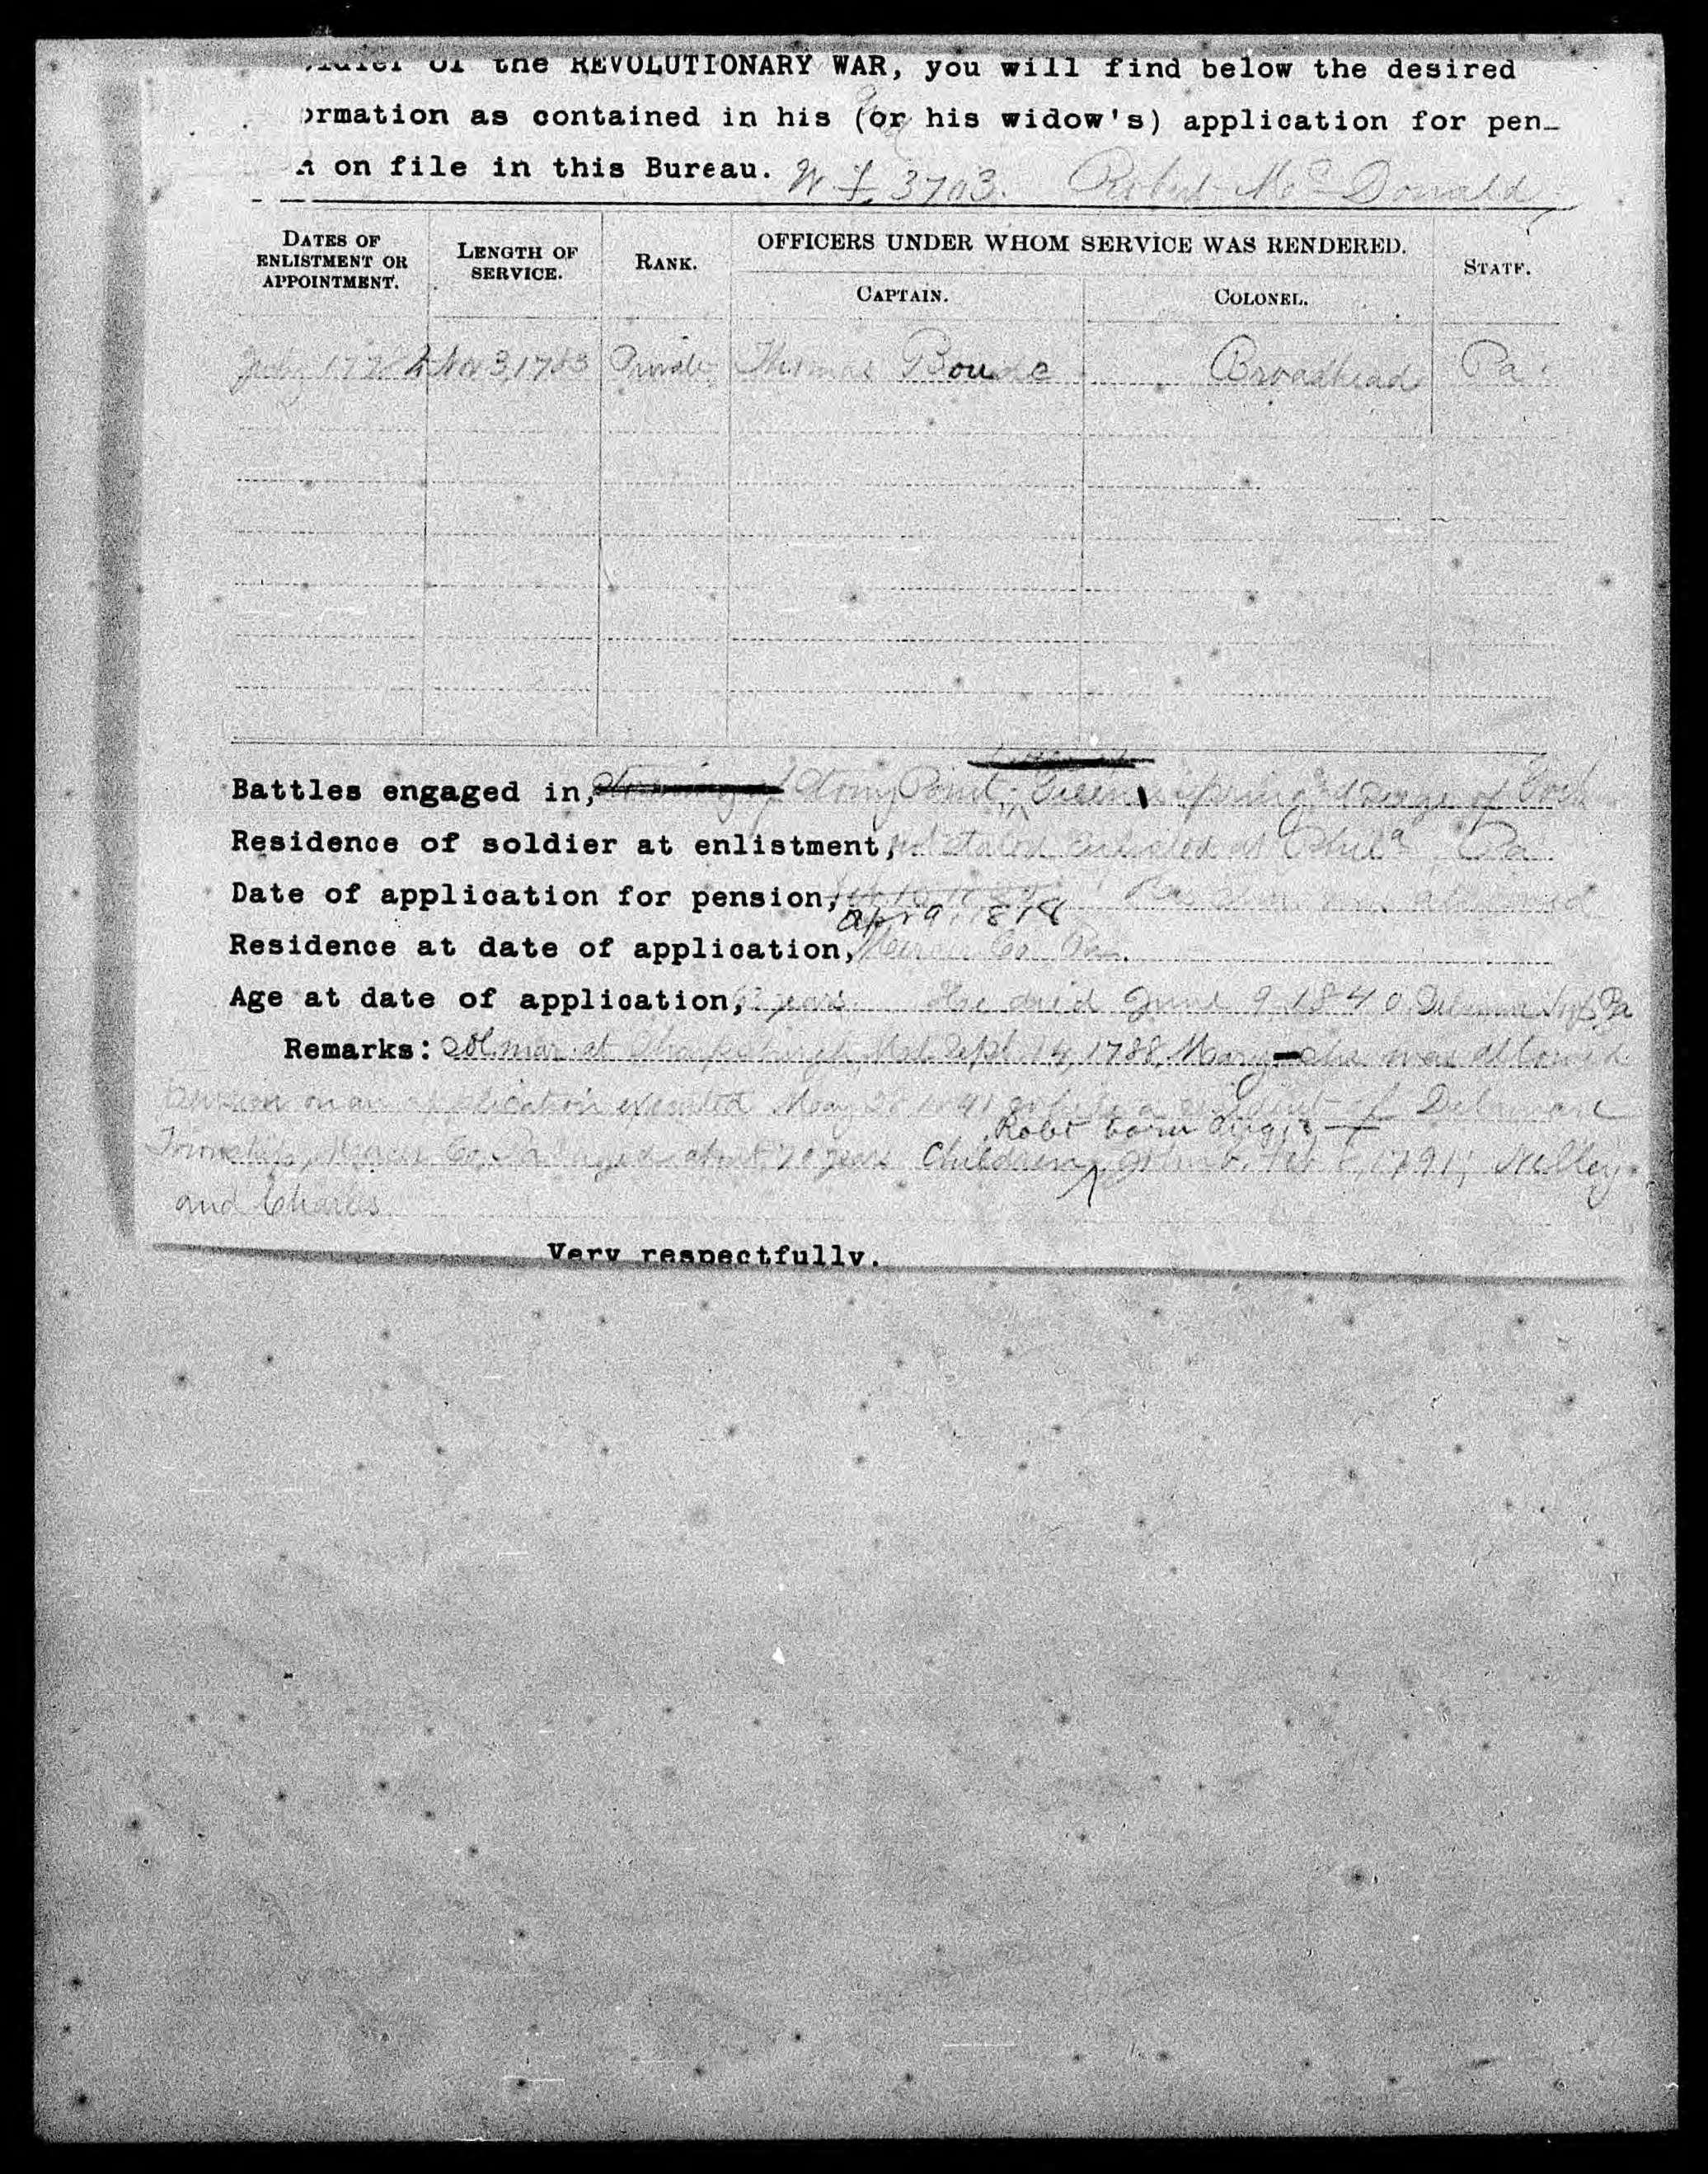[scan cut off] of the REVOLUTIONARY WAR, you will find below the desired
[in]formation as contained in his (or his widow's) application for pension on
file in this Bureau. W 3703. Robert McDonald
DATES OF
ENLISTMENT OR
APPOINTMENT:
July 1776 to Nov 1783
RANK: Private
OFFICERS UNDER WHOM SERVICE WAS RENDERED.
CAPTAIN: 
Thomas Boude
COLONEL:
Broadhead
STATE.
Pa.
Battles engaged in: Stony Point
[illegible] Spring, [illegible] of [illegible]
Residence of soldier at enlistment: [illegible] enlisted at Phil[Philadelphia], Pa
Date of application for pension:
Apr 9, 1818
Residence at date of application:
Mercer Co Pa.
Age at date of application:
63 years. He died June 9, 1840 [illegible] Pa.
Remarks: [illegible] at [illegible] Sept 14, 1788 Mary [illegible] was allowed pension on an application executed May 26 1841 [illegible] evident of Delaware Township, [illegible] Co[unty] Pa  aged about 70 years. Children Robt born Aug, 18_, John b. Feb 8, 1791; Nelley and Charles
Very respectfully,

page: 59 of 59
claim: widow's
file: W 3703, for Robert Mc Donald, Pennsylvania